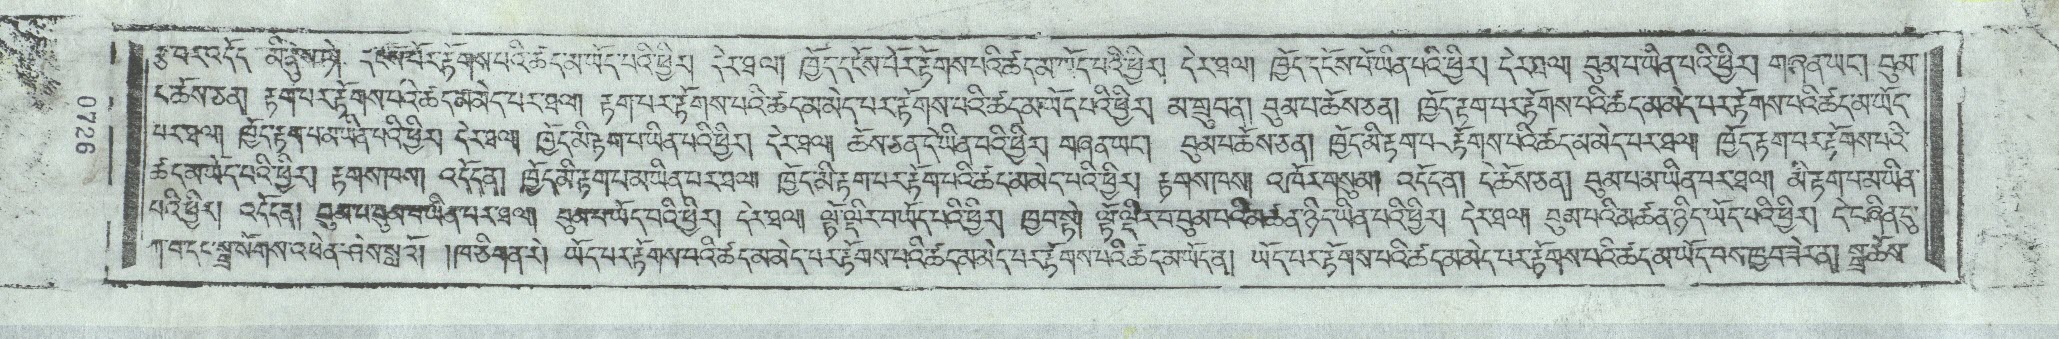རྩ་བར་འདོད་མི་ནུས་ཏེ། དངོས་པོར་རྟོགས་པའི་ཚད་མ་ཡོད་པའི་ཕྱིར། དེར་ཐལ། ཁྱོད་དངོས་པོར་རྟོགས་པའི་ཚད་མ་ཡོད་པའི་ཕྱིར། དེར་ཐལ། ཁྱོད་དངོས་པོ་ཡིན་པའི་ཕྱིར། དེར་ཐལ། བུམ་པ་ཡིན་པའི་ཕྱིར། གཞན་ཡང་། བུམ་
པ་ཆོས་ཅན། རྟག་པར་རྟོགས་པའི་ཚད་མ་མེད་པར་ཐལ། རྟག་པར་རྟོགས་པའི་ཚད་མ་མེད་པར་རྟོགས་པའི་ཚད་མ་ཡོད་པའི་ཕྱིར། མ་གྲུབ་ན། བུམ་པ་ཆོས་ཅན། ཁྱོད་རྟག་པར་རྟོགས་པའི་ཚད་མ་མེད་པར་རྟོགས་པའི་ཚད་མ་ཡོད་
པར་ཐལ། ཁྱོད་རྟག་པ་མ་ཡིན་པའི་ཕྱིར། དེར་ཐལ། ཁྱོད་མི་རྟག་པ་ཡིན་པའི་ཕྱིར། དེར་ཐལ། ཆོས་ཅན་དེ་ཡིན་པའི་ཕྱིར། གཞན་ཡང་། བུམ་པ་ཆོས་ཅན། ཁྱོད་མི་རྟག་པར་རྟོགས་པའི་ཚད་མ་མེད་པར་ཐལ། ཁྱོད་རྟག་པར་རྟོགས་པའི་
ཚད་མ་ཡོད་པའི་ཕྱིར། རྟགས་ཁས། འདོད་ན། ཁྱོད་མི་རྟག་པ་མ་ཡིན་པར་ཐལ། ཁྱོད་མི་རྟག་པར་རྟོགས་པའི་ཚད་མ་མེད་པའི་ཕྱིར། རྟགས་ཁས། འཁོར་གསུམ། འདོད་ན། དེ་ཆོས་ཅན། བུམ་པ་མ་ཡིན་པར་ཐལ། མི་རྟག་པ་མ་ཡིན་
པའི་ཕྱིར། འདོད་ན། བུམ་པ་བུམ་པ་ཡིན་པར་ཐལ། བུམ་པ་ཡོད་པའི་ཕྱིར། དེར་ཐལ། ལྟོ་ལྡིར་བ་ཡོད་པའི་ཕྱིར། ཁྱབ་སྟེ། ལྟོ་ལྡིར་བ་བུམ་པའི་མཚན་ཉིད་ཡིན་པའི་ཕྱིར། དེར་ཐལ། བུམ་པའི་མཚན་ཉིད་ཡོད་པའི་ཕྱིར། དེ་བཞིན་དུ་
ཀ་བ་དང་སྒྲ་སོགས་འཕེན་ཤེས་སླའོ། །ཁ་ཅིག་ན་རེ། ཡོད་པར་རྟོགས་པའི་ཚད་མ་མེད་པར་རྟོགས་པའི་ཚད་མ་མེད་པར་རྟོགས་པའི་ཚད་མ་ཡོད་ན། ཡོད་པར་རྟོགས་པའི་ཚད་མ་མེད་པར་རྟོགས་པའི་ཚད་མ་ཡོད་པས་ཁྱབ་ཟེར་ན། སྒྲ་ཆོས་